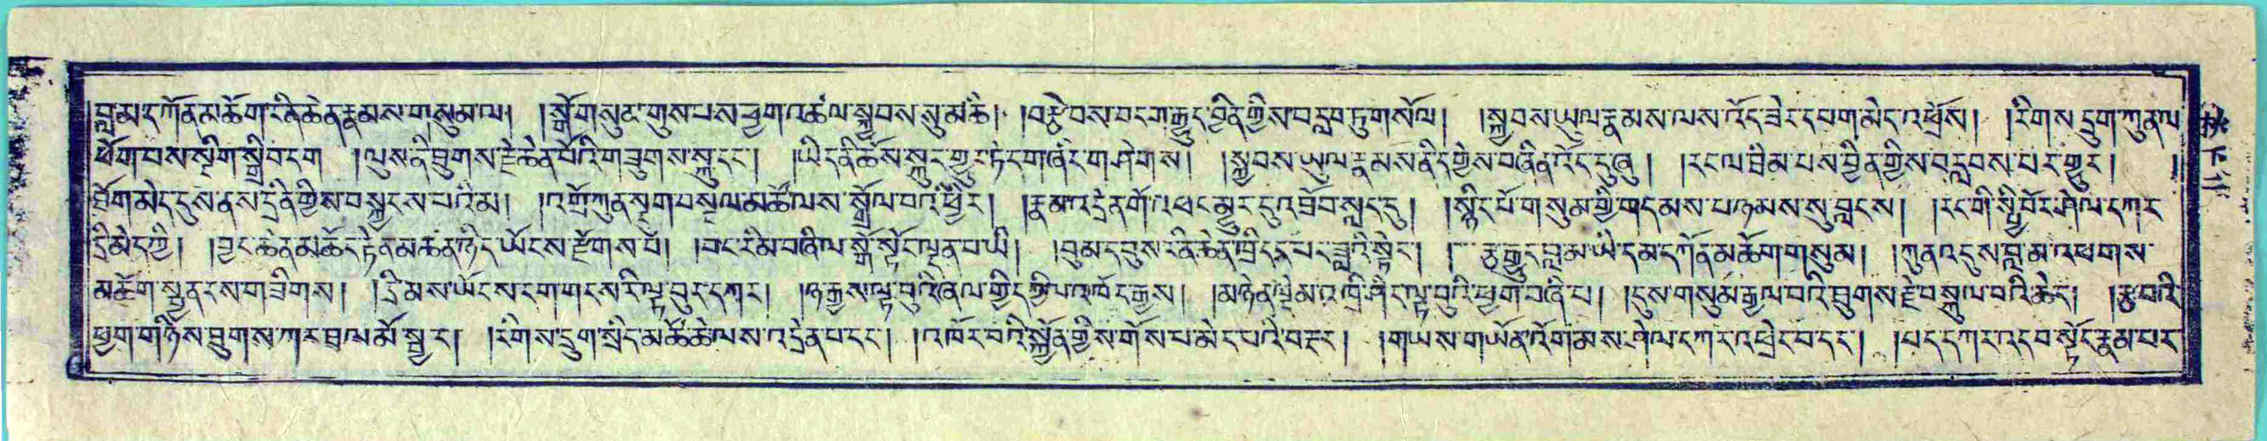།བླ་མ་དཀོན་མཆོག་རིན་ཆེན་རྣམས་གསུམ་ལ། །སྒོ་གསུམ་གུས་པས་ཕྱག་འཚལ་སྐྱབས་སུ་མཆི། །བརྩེ་བས་
བདག་རྒྱུད་བྱིན་གྱིས་བརླབ་ཏུ་གསོལ། །སྐྱབས་ཡུལ་རྣམས་ལས་འོད་ཟེར་དཔག་མེད་འཕྲོས། །རིགས་དྲུག་ཀུན་ལ་ཕོག་པས་སྡིག་སྒྲིབ་དག །ལུས་ནི་ཐུགས་རྗེ་ཆེན་པོའི་གཟུགས་སྐུ་དང་། །ཡིད་ནི་ཆོས་
སྐུར་གྱུར་ཏེ་དག་ཞིང་གཤེགས། །སྐྱབས་ཡུལ་རྣམས་ནི་དགྱེས་བཞིན་འོད་དུ་ཞུ། །རང་ལ་ཐིམ་པས་བྱིན་གྱིས་བརླབས་པར་གྱུར། །ཐོག་མེད་དུས་ནས་དྲིན་གྱིས་བསྐྱངས་བའི་མ། །འགྲོ་ཀུན་སྡུག་བསྔལ་
མཚོ་ལས་སྒྲོལ་བའི་ཕྱིར། །རྣམ་འདྲེན་གོ་འཕང་མྱུར་དུ་འཐོབ་སླད་དུ། །སྙིང་པོ་གསུམ་གྱི་གདམས་པ་ཉམས་སུ་བླངས། །རང་གི་སྤྱི་བོར་ཤེལ་དཀར་དྲི་མེད་ཀྱི། །བྱང་ཆེན་མཆོད་རྟེན་མཚན་ཉིད་
ཡོངས་རྫོགས་པ། །བང་རིམ་བཞི་ལ་སྒོ་སྟོང་ལྡན་པ་ཡི། །བུམ་དབུས་རིན་ཆེན་ཁྲི་དང་པད་ཟླའི་སྟེང་། །རྩ་རྒྱུད་བླ་མ་ཡི་དམ་དཀོན་མཆོག་གསུམ། །ཀུན་འདུས་བླ་མ་འཕགས་མཆོག་སྤྱན་རས་༄༅། །གཟིགས། །དྲི་མས་ཡོངས་དག་གངས་རི་ལྟ་བུར་དཀར། །ཉ་རྒྱས་ལྟ་བུའི་ཞལ་གྱི་དཀྱིལ་འཁོར་རྒྱས། །མཉེན་ལྡེམ་འཁྲི་ཤིང་ལྟ་བུའི་ཕྱག་བཞི་པ། །དུས་གསུམ་
རྒྱལ་བའི་ཐུགས་རྗེ་བསྐུལ་བའི་ཆེད། །རྩ་བའི་ཕྱག་གཉིས་ཐུགས་ཀར་ཐལ་མོ་སྦྱར། །རིགས་དྲུག་སྲིད་མཚོ་ཆེ་ལས་འདྲེན་པ་དང་། །འཁོར་བའི་སྐྱོན་གྱིས་གོས་པ་མེད་པའི་བརྡར། །གཡས་གཡོན་
འོག་མས་ཤེལ་དཀར་འཕྲེང་བ་དང་། །པད་དཀར་འདབ་སྟོང་རྣམ་པར་